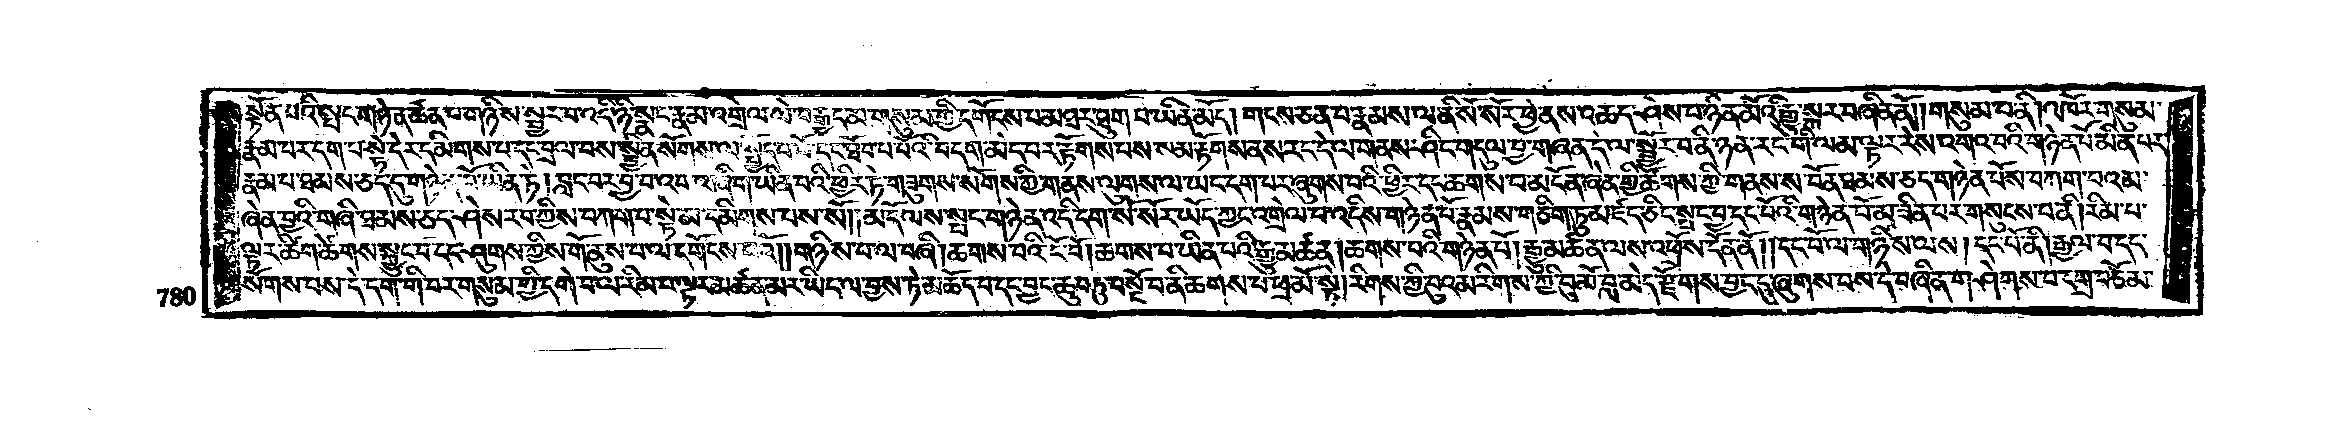སྟོན་པའི་སྤང་གཉེན་ཚན་པ་གཉིས་སྦྱར་བ་འདི་ཉི་སྣང་རྣམ་འགྲེལ་ལོ་བརྒྱད་མ་གསུམ་གྱི་དགོངས་པ་མཐར་ཐུག་པ་ཡིན་མོད། གངས་ཅན་པ་རྣམས་ལ་ནི་སོ་སོར་ཕྱེ་ནས་འཆད་ཤེས་པ་ཉིན་མོའི་རྒྱུ་སྐུར་བཞིན་ནོ། །གསུམ་པ་ནི། འཁོར་གསུམ་
རྣམ་པར་དག་པ་སྟེ་དེར་དམིགས་པ་དང་བྲལ་བས་སྦྱིན་སོགས་ལ་སྤྱོད་པ་པོ་དང་ཐོབ་པ་པོའི་བདག་མེད་པར་རྟོགས་པས་སམ་རྟོགས་ནས་རང་དེ་ལ་གནས་ཤིང་གདུལ་བྱ་གཞན་དེ་ལ་སྦྱོར་བ་ནི་ཉན་རང་གི་ལམ་ལྟར་རེས་འགའ་བའི་གཉེན་པོ་མིན་པར་
རྣམ་པ་ཐམས་ཅད་དུ་གཉེན་པོ་ཡིན་ཏེ། བླང་བར་བྱ་བ་འབའ་ཞིག་ཡིན་པའི་ཕྱིར་ཏེ་གཟུགས་སོགས་ཀྱི་གནས་ལུགས་ལ་ཡང་དག་པར་ཞུགས་པའི་ཕྱིར་དང་ཆགས་པ་མངོན་ཞེན་གྱི་ཚོགས་ཀྱི་གནས་ས་བོན་ཐམས་ཅད་གཉེན་པོས་བཀག་པའམ་
ཞེན་བྱའི་གཞི་ཐམས་ཅད་ཤེས་རབ་ཀྱིས་བཀག་པ་སྟེ་མ་དམིགས་པས་སོ། །མདོ་ལས་སྤང་གཉེན་འདི་དག་སོ་སོར་ཡོད་ཀྱང་འགྲེལ་པ་འདིས་གཉེན་པོ་རྣམས་གཅིག་ཏུ་མཛད་ཅིང་སྤང་བྱ་དང་པོའི་གཉེན་པོ་མ་ཟིན་པར་གསུངས་པ་ནི། རིམ་པ་
ལྟར་ཚིག་ཚེགས་སྐྱུང་པ་དང་ཤུགས་ཀྱིས་གོ་ནུས་པ་ལ་དགོངས་པའོ། །གཉིས་པ་ལ་བཞི། ཆགས་པའི་ངོ་བོ། ཆགས་པ་ཡིན་པའི་རྒྱུ་མཚན། ཆགས་པའི་གཉེན་པོ། རྒྱུ་མཚན་ལས་འཕྲོས་དོན་ནོ། །དང་པོ་ལ་གཉིས་ལས། དང་པོ་ནི། རྒྱལ་བ་དངྶོགས་པས་དེ་
དག་གི་བར་གསུམ་གྱི་དགེ་བ་ལ་རིམ་པ་ལྟར་མཚན་མར་ཡིད་ལ་བྱས་ཏེ་མཆོད་པ་དང་བྱང་ཆུབ་ཏུ་བསྔོ་བ་ནི་ཆགས་པ་ཕྲ་མོ་སྟེ། རིགས་ཀྱི་བུའམ་རིགས་ཀྱི་བུ་མོ་བླ་མེད་རྫོགས་བྱང་དུ་ཞུགས་པས་དེ་བཞིན་གཤེགས་པ་དགྲ་བཅོམ་